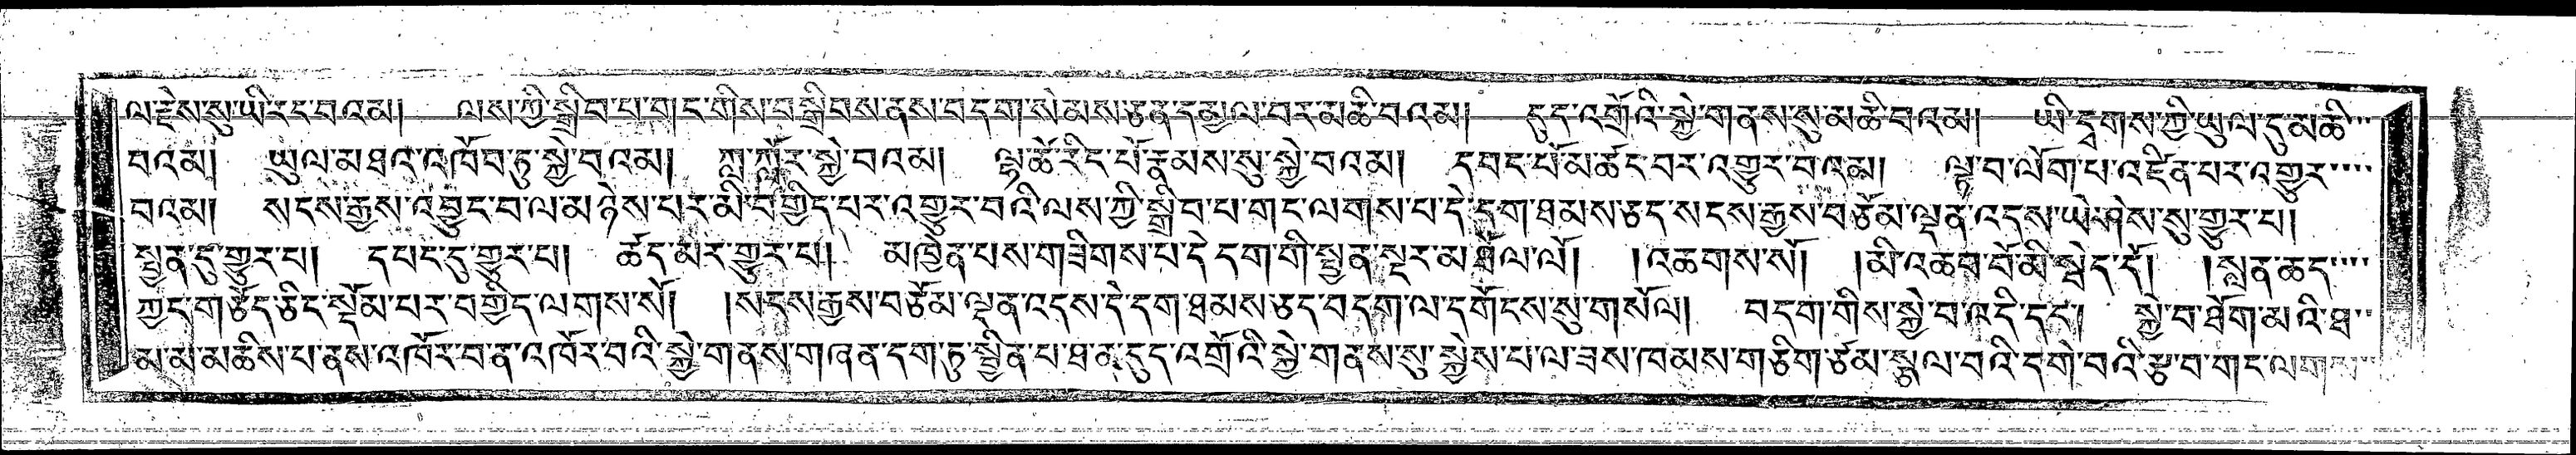ལ་རྗེས་སུ་ཡི་རང་བའམ། ལས་ཀྱི་སྒྲིབ་པ་གང་གིས་བསྒྲིབས་ནས་བདག་སེམས་ཅན་དམྱལ་བར་མཆི་བའམ། དུད་འགྲོའི་སྐྱེ་གནས་སུ་མཆི་བའམ། ཡི་དྭགས་ཀྱི་ཡུལ་དུ་མཆི་
བའམ། ཡུལ་མཐའ་འཁོབ་ཏུ་སྐྱེ་བའམ། ཀླ་ཀློར་སྐྱེ་བའམ། ལྷ་ཚེ་རིང་པོ་རྣམས་སུ་སྐྱེ་བའམ། དབང་པོ་མ་ཚང་བར་འགྱུར་བའམ། ལྟ་བ་ལོག་པ་འཛིན་པར་འགྱུར་
བའམ། སངས་རྒྱས་འབྱུང་བ་ལ་མཉེས་པར་མི་བགྱིད་པར་འགྱུར་བའི་ལས་ཀྱི་སྒྲིབ་པ་གང་ལགས་པ་དེ་དག་ཐམས་ཅད་སངས་རྒྱས་བཅོམ་ལྡན་འདས་ཡེ་ཤེས་སུ་གྱུར་པ།
སྤྱན་དུ་གྱུར་པ། དཔང་དུ་གྱུར་པ། ཚད་མར་གྱུར་པ། མཁྱེན་པས་གཟིགས་པ་དེ་དག་གི་སྤྱན་སྔར་མཐོལ་ལོ། །འཆགས་སོ། །མི་འཆབ་བོ་མི་སྦེད་དོ། །སླན་ཆད་
ཀྱང་གཅོད་ཅིང་སྡོམ་པར་བགྱིད་ལགས་སོ། །སངས་རྒྱས་བཅོམ་ལྡན་འདས་དེ་དག་ཐམས་ཅད་བདག་ལ་དགོངས་སུ་གསོལ། བདག་གིས་སྐྱེ་བ་འདི་དང་། སྐྱེ་བ་ཐོག་མའི་ཐ་
མ་མ་མཆིས་པ་ནས་འཁོར་བ་ན་འཁོར་བའི་སྐྱེ་གནས་གཞན་དག་ཏུ་སྦྱིན་པ་ཐ་ན་དུད་འགྲོའི་སྐྱེ་གནས་སུ་སྐྱེས་པ་ལ་ཟས་ཁམས་གཅིག་ཙམ་སྩལ་བའི་དགེ་བའི་རྩ་བ་གང་ལགས་